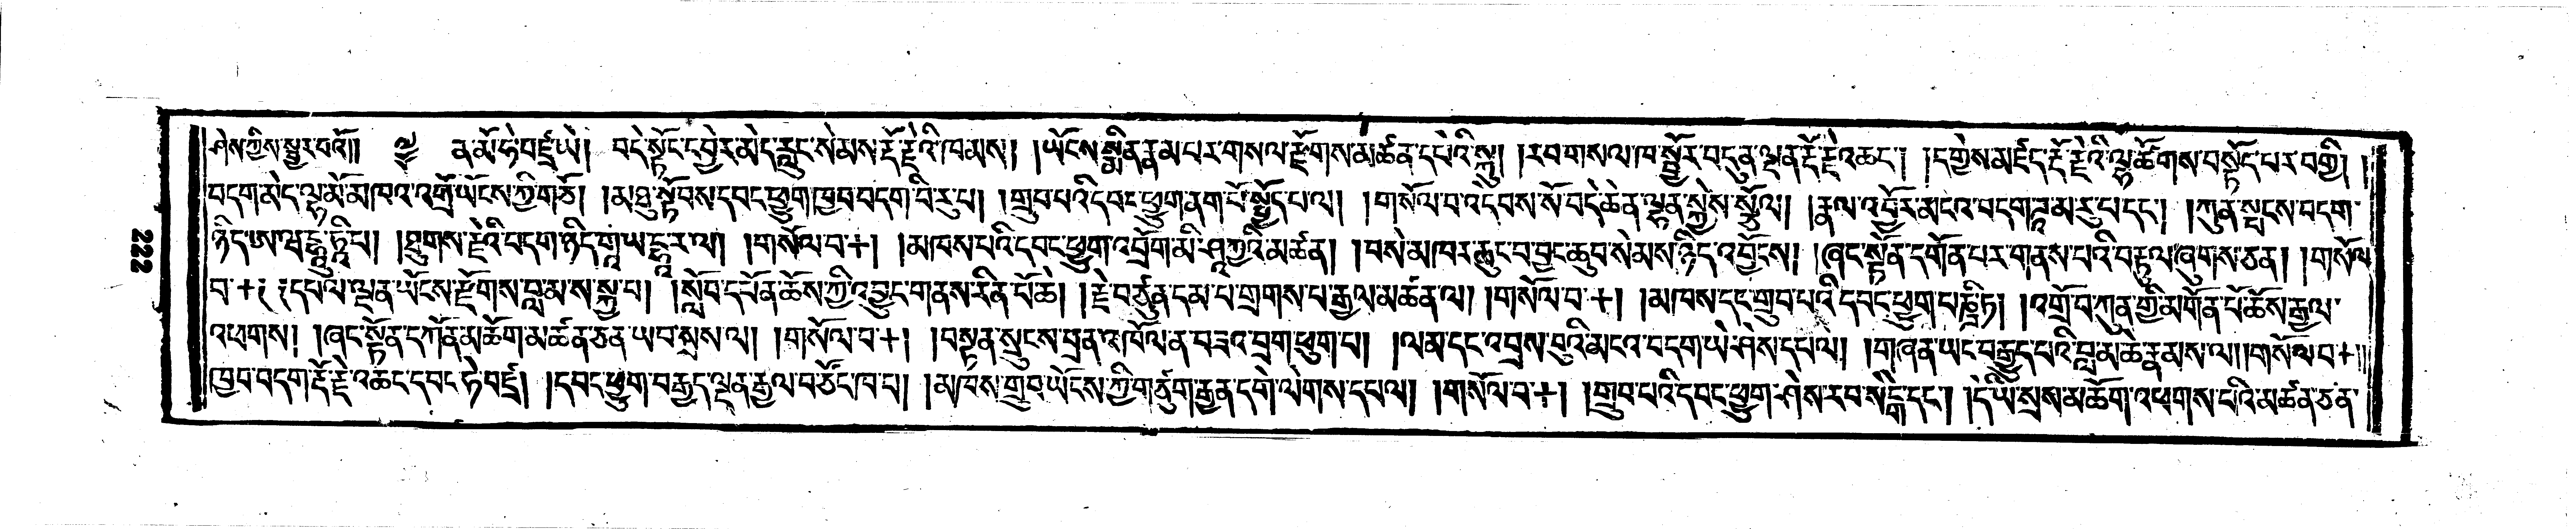ཤེས་ཀྱིས་སྦྱར་བའོ།། ༈ ན་མོ་ཧེ་བཛྲ་ཡེ། བདེ་སྟོང་དབྱེར་མེད་རླུང་སེམས་རྡོ་རྗེའི་ཁམས། །ཡོངས་སྨིན་རྣམ་པར་གསལ་རྫོགས་མཚན་དཔེའི་སྐུ། །རབ་གསལ་ཁ་སྦྱོར་བདུན་ལྡན་རྡོ་རྗེ་འཆང་། །དགྱེས་མཛད་རྡོ་རྗེའི་ལྷ་ཚོགས་བསྟོད་པར་བགྱི། །
བདག་མེད་ལྷ་མོ་མཁའ་འགྲོ་ཡོངས་ཀྱི་གཅོ། །མཐུ་སྟོབས་དབང་ཕྱུག་ཁྱབ་བདག་བི་རུ་པ། །གྲུབ་པའི་དབང་ཕྱུག་ནག་པོ་སྤྱོད་པ་ལ། །གསོལ་བ་འདེབས་སོ་བདེ་ཆེན་ལྷན་སྐྱེས་སྩོལ། །རྣལ་འབྱོར་མངའ་བདག་ཌཱ་མ་རུ་པ་དང་། །ཀུན་སྤངས་བདག་
ཉིད་ཨ་ཝ་དྷཱུ་ཏཱི་པ། །ཐུགས་རྗེའི་བདག་ཉིད་གཱ་ཡ་དྷཱ་ར་ལ། །གསོལ་བ་+། །མཁས་པའི་དབང་ཕྱུག་འབྲོག་མི་ཤཱཀྱའི་མཚན། །བསེ་མཁར་ཆུང་བ་བྱང་ཆུབ་སེམས་ཉིད་འབྱོངས། །ཞང་སྟོན་དགོན་པར་གནས་པའི་བརྟུལ་ཞུགས་ཅན། །གསོལ་
བ་+༑ ༑དཔལ་ལྡན་ཡོངས་རྫོགས་བླ་མ་ས་སྐྱ་པ། །སློབ་དཔོན་ཆོས་ཀྱི་འབྱུང་གནས་རིན་པོ་ཆེ། །རྗེ་བཙུན་དམ་པ་གྲགས་པ་རྒྱལ་མཚན་ལ། །གསོལ་བ་+། །མཁས་དང་གྲུབ་པའི་དབང་ཕྱུག་པཎྜི་ཏ། །འགྲོ་བ་ཀུན་གྱི་མགོན་པོ་ཆོས་རྒྱལ་
འཕགས། །ཞང་སྟོན་དཀོན་མཆོག་མཚན་ཅན་ཡབ་སྲས་ལ། །གསོལ་བ་+། །བསྟན་སྲུངས་བྲན་འཁོལ་ན་བཟའ་བྲག་ཕུག་པ། །ལམ་དང་འབྲས་བུའི་མངའ་བདག་ཡེ་ཤེས་དཔལ། །གཞན་ཡང་བརྒྱུད་པའི་བླ་མ་ཆེ་རྣམས་ལ། །གསོལ་བ་+།།
ཁྱབ་བདག་རྡོ་རྗེ་འཆང་དབང་ཏེ་བཛྲ། །དབང་ཕྱུག་བརྒྱད་ལྡན་རྒྱལ་བ་ཙོང་ཁ་པ། །མཁས་གྲུབ་ཡོངས་ཀྱི་གཙུག་རྒྱན་དགེ་ལེགས་དཔལ། །གསོལ་བ་+། །གྲུབ་པའི་དབང་ཕྱུག་ཤེས་རབ་སེངྒེ་དང་། །དེ་ཡི་སྲས་མཆོག་འཕགས་པའི་མཚན་ཅན་